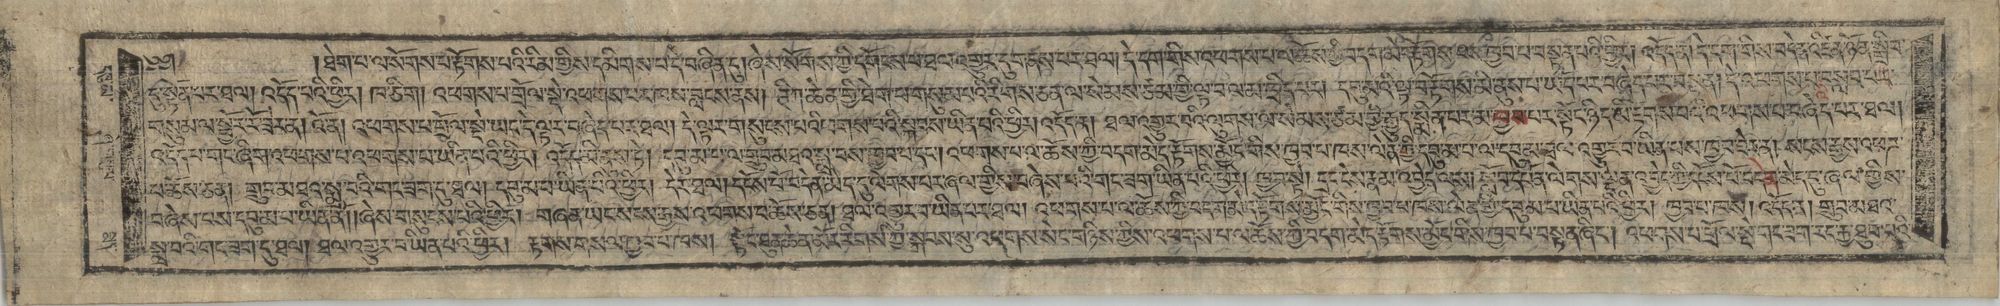༄༅། །ཐེག་པ་ལ་སོགས་པ་རྟོགས་པའི་རིམ་གྱིས་དམིགས་པ་དེ་བཞིན་དུ། ཞེས་སོགས་ཀྱི་དགོངས་པ་ཐལ་འགྱུར་དུ་གནས་པར་ཐལ། དེ་དག་གིས་འཕགས་པ་ལ་ཆོས་ཀྱི་བདག་མེད་རྟོགས་པས་ཁྱབ་པ་བསྟན་པའི་ཕྱིར། འདོད་ན། དེ་དག་གིས་བདེན་འཛིན་ཉོན་སྒྲིབ་
དུ་སྟོན་པར་ཐལ། འདོད་པའི་ཕྱིར། ཁ་ཅིག །འཕགས་པ་གྲོལ་སྡེ་འཕགས་པར་ཁས་བླངས་ནས། ཊིཀ་ཆེན་གྱིས་ཐེག་པ་གསུམ་པའི་རིགས་ཅན་ལ་སེམས་ཙམ་གྱི་ལྟ་བ་ལ་མ་ཁྲིདཔར། དབུ་མའི་ལྟ་བ་རྟོགས་མི་ནུས་པ་ཡོད་པར་བཞེད་པར་བསྟན། དེ་འཕགས་པའི་བསླབ་པ་
གསུམ་ལ་སྦྱོར་རོ་ཟེར་ན། འོ་ན། འཕགས་པ་གྲོལ་སྡེ་ཡང་དེ་ལྟར་བཞེད་པར་ཐལ། དེ་ལྟར་གསུངས་པའི་འཕགས་པའི་སྐབས་ཡིན་པའི་ཕྱིར། འདོད་ན། ཐལ་འགྱུར་བའི་ལུགས་ལ་སེམས་ཙམ་གྱི་རྒྱུད་སྨིན་པར་མ་བྱས་པར་སྟོང་ཉིད་མི་རྟོགས་པའི་འཕགས་པ་བཞེད་པར་ཐལ་
འདོད་པ་གང་ཞིག་འཕགས་པ་འཕགས་པ་ཡིན་པའི་ཕྱིར། འདོད་མི་ནུས་ཏེ། དབུ་མ་པ་ལ་གྲུབ་མཐའ་སྨྲ་བས་ཁྱབ་པ་དང་། འཕགས་པ་ལ་ཆོས་ཀྱི་བདག་མེད་རྟོགས་མྱོང་གིས་ཁྱབ་པ་ཁས་ལེན་གྱི་དབུ་མ་པ་ལ་དབུ་མ་ཐལ་འགྱུར་པ་ཡིན་པས་ཁྱབ་ཟེར་ན། སངས་རྒྱས་འཕགས་
པ་ཆོས་ཅན། གྲུབ་མཐའ་སྨྲ་བའི་གང་ཟག་དུ་ཐལ། དབུ་མ་པ་ཡིན་པའི་ཕྱིར། དེར་ཐལ། དངོས་པོ་བདེན་མེད་དུ་ལེགས་པར་ཞལ་གྱིས་བཞེས་པའི་གང་ཟག་ཡིན་པའི་ཕྱིར། ཁྱབ་སྟེ། དྲང་ངེས་རྣམ་འབྱེད་ལས། སློབ་དཔོན་ལེགས་ལྡན་འབྱེད་ཀྱི་དངོས་པོ་བདེན་མེད་དུ་ཞལ་གྱིས་
བཞེས་པས་དབུ་མ་པ་ཡིན་ནོ། །ཞེས་གསུངས་པའི་ཕྱིར། གཞན་ཡང་སངས་རྒྱས་འཕགས་པ་ཆོས་ཅན། ཐལ་འགྱུར་བ་ཡིན་པར་ཐལ། འཕགས་པ་ལ་ཆོས་ཀྱི་བདག་མེད་རྟོགས་མྱོང་གིས་ཁྱབ་པ་ཁས་ལེན་གྱི་དབུ་མ་པ་ཡིན་པའི་ཕྱིར། ཁྱབ་པ་ཁས། འདོད་ན། གྲུབ་མཐའ་
སྨྲ་བའི་གང་ཟག་དུ་ཐལ། ཐལ་འགྱུར་བ་ཡིན་པའི་ཕྱིར། རྟགས་གསལ་ཁྱབ་པ་ཁས། སྟོང་ཐུན་ཆེན་མོར་རིགས་ཀྱི་སྐབས་སུ་འཕགས་སེང་གཉིས་ཀྱིས་འཕགས་པ་ལ་ཆོས་ཀྱི་བདག་མེད་རྟོགས་མྱོང་གིས་ཁྱབ་པ་བསྟན་ཞིང་། འཕགས་པ་གྲོལ་སྡེ་གང་ཟག་རང་རྐྱ་ཐུབ་པའི་